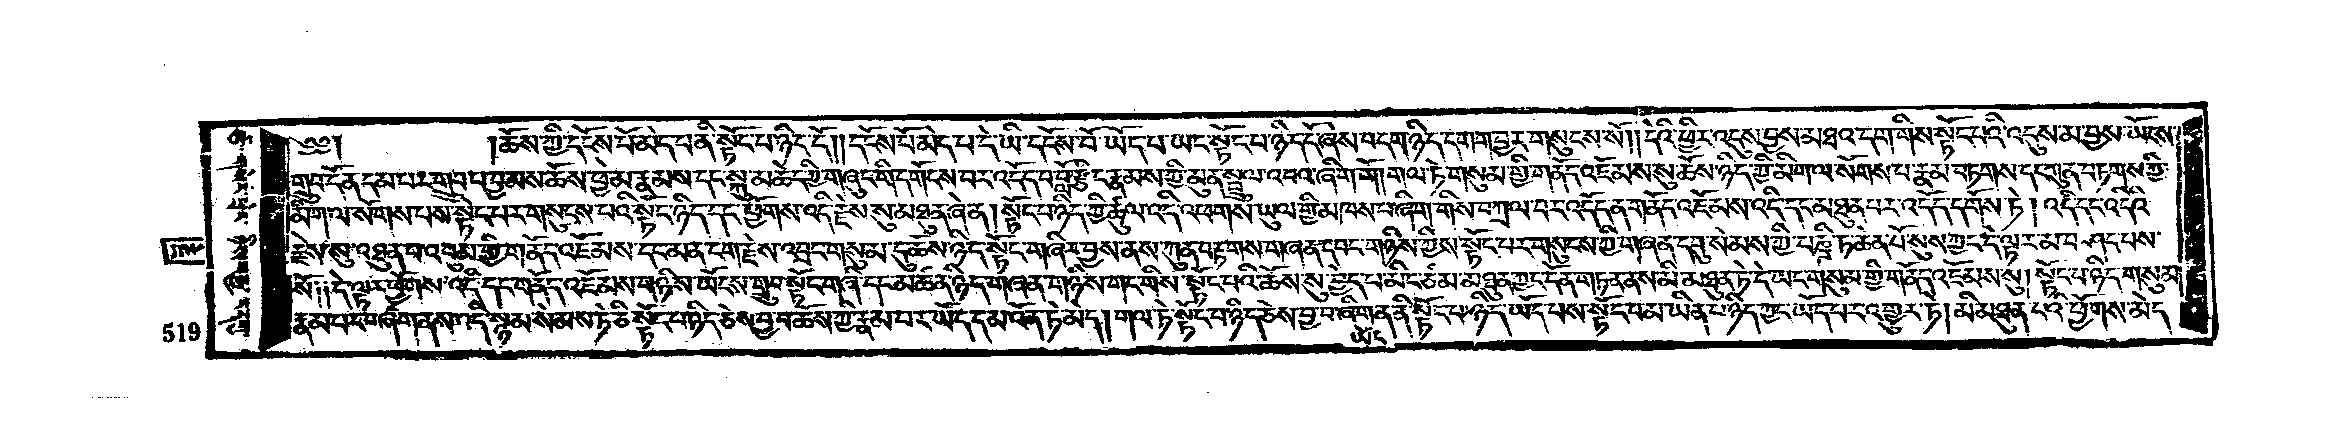༄༅། །ཆོས་ཀྱི་དངོས་པོ་མེད་པ་ནི་སྟོང་པ་ཉིད་དོ། །དངོས་པོ་མེད་པ་དེ་ཡི་དངོས་པོ་ཡོང་བ་ཡང་སྟོང་པ་ཉིད་དོ་ཞེས་བདག་ཉིད་དགག་བྱར་གསུངས་སོ། །དེའི་ཕྱིར་འདུས་བྱས་མཐའ་དག་གིས་སྟོང་པའི་འདུས་མ་བྱས་ཡོངས་
གྲུབ་དོན་དམ་པར་གྲུབ་པ་བྱམས་ཆོས་ཕྱེ་མ་རྣམས་དང་སྐུ་མཆེད་ཀྱི་གཞུང་གི་དགོངས་པར་འདོད་པ་བློ་རྩིང་རྣམས་ཀྱི་མུན་སྦྲུལ་འབའ་ཞིག་གོ །གལ་ཏེ་གསུམ་གྱི་གནོད་འཇོམས་སུ་ཆོས་ཉིད་ཀྱི་མིག་ལ་སོགས་པ་རྣམ་བཏགས་དང་ཀུན་བཏགས་ཀྱི་
མིག་ལ་སོགས་པས་སྟོང་པར་གསུངས་པའི་སྟོང་ཉིད་དང་ཕྱོགས་འདི་རྗེས་སུ་མཐུན་ཞེ་ན། སྟོང་པ་ཉིད་ཀྱི་ཚུལ་འདི་འཕགས་ཡུལ་གྱི་མཁས་པ་ཞིག་གིས་བཀྲལ་བར་འདོད་ན་གནོད་འཇོམས་འདི་དང་མཐུན་པར་འདོད་དགོས་ཏེ། འདི་དང་འདིའི་
རྗེས་སུ་འཐུན་པ་འབུམ་གྱི་གནོད་འཇོམས་དང་མན་ངག་རྗེས་འབྲང་གསུམ་དུ་ཆོས་ཉིད་སྟོང་གཞིར་བྱས་ནས་ཀུན་བརྟགས་གཞན་དབང་གཉིས་ཀྱིས་སྟོང་པར་གསུངས་ཀྱི་གཞན་དབུ་སེམས་ཀྱི་པཎྜི་ཏ་ཆེན་པོ་སུས་ཀྱང་དེ་ལྟར་མ་བཤད་པས་
སོ། །དེ་ལྟར་ཕྱོགས་འདི་དང་གནོད་འཇོམས་གཉིས་ཡོངས་གྲུབ་སྟོང་གཞི་དང་མཚན་ཉིད་གཞན་གཉིས་གང་གིས་སྟོང་པའི་ཆོས་སུ་བྱེད་པ་མིང་ཙམ་མཐུན་ཀྱང་དོན་གཏན་ནས་མི་མཐུན་ཏེ་དེ་ཡང་གསུམ་གྱི་གནོད་འཇོམས་སུ། སྟོང་པ་ཉིད་གསུམ་
རྣམ་པར་བཞག་ནས་འདི་སྙམ་སེམས་ཏེ་ཅི་སྟོང་པ་ཉིད་ཅེས་བྱ་བ་ཆོས་ཀྱི་རྣམ་པར་ཡོད་དམ་འོན་ཏེ་མེད། གལ་ཏེ་སྟོང་པ་ཉིད་ཅེས་བྱ་བ་ཞིག་ཡང་ན་ནི་སྟོང་པ་ཉིད་ཡོད་པས་སྟོང་པ་མ་ཡིན་པ་ཉིད་ཀྱང་ཡོད་པར་འགྱུར་ཏེ། མི་མཐུན་པའི་ཕྱོགས་མེད་